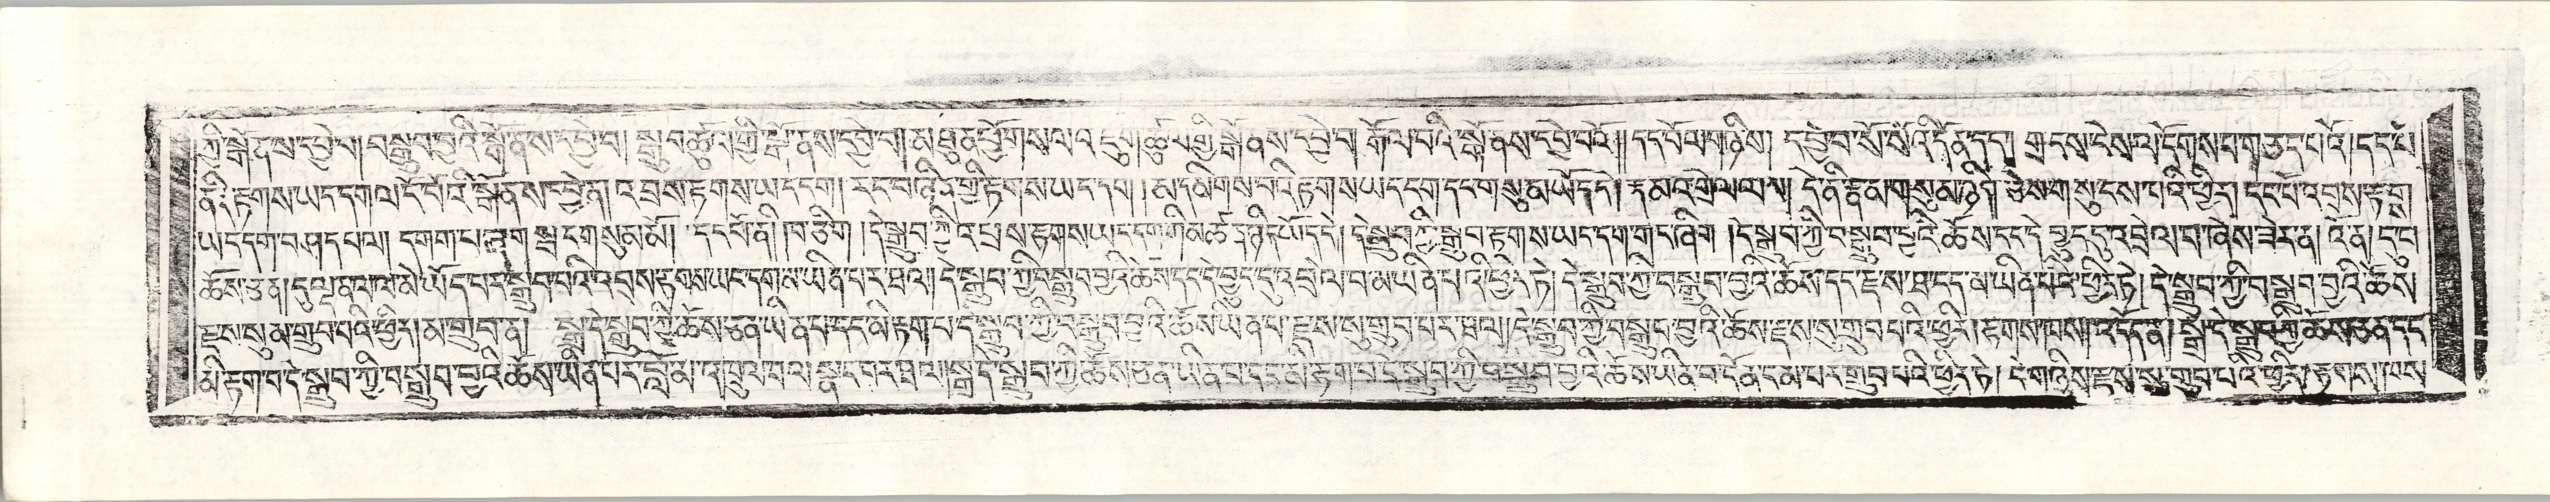ཀྱི་སྒོ་ནས་དབྱེ་བ། བསྒྲུབ་བྱའི་སྒོ་ནས་དབྱེ་བ། སྒྲུབ་ཚུལ་གྱི་སྒོ་ནས་དབྱེ་བ། མཐུན་ཕྱོགས་ལ་འཇུག་ཚུལ་གྱི་སྒོ་ནས་དབྱེ་བ། རྒོལ་བའི་སྒོ་ནས་དབྱེ་བའོ། །དང་བོ་ལ་གཉིས། དབྱེ་བ་སོ་སོའི་དོན་དང་། གྲངས་ངེས་ལ་དོགས་པ་གཅོད་པའོ། །དང་པོ་
ནི། རྟགས་ཡང་དག་ལ་ངོ་བོའི་སྒོ་ནས་དབྱེ་ན། འབྲས་རྟགས་ཡང་དག། རང་བཞིན་གྱི་རྟགས་ཡང་དག །མ་དམིགས་པའི་རྟགས་ཡང་དག་དང་གསུམ་ཡོད་དེ། རྣམ་འགྲེལ་ལས། དེ་ནི་རྣམ་གསུམ་ཉིད། ཅེས་གསུངས་པའི་ཕྱིར། དང་པོ་འབྲས་རྟགས་
ཡང་དག་བཤད་པ་ལ། དགག་བཞག་སྤོང་གསུམ་མོ། །དང་པོ་ནི། ཁ་ཅིག །དེ་སྒྲུབ་ཀྱི་འབྲས་རྟགས་ཡང་དག་གི་མཚན་ཉིད་ཡོད་དེ། དེ་སྒྲུབ་ཀྱི་སྒྲུབ་རྟགས་ཡང་དག་གང་ཞིག །དེ་སྒྲུབ་ཀྱི་བསྒྲུབ་བྱའི་ཆོས་དང་དེ་བྱུང་དུ་འབྲེལ་བ་ཞེས་ཟེར་ན། འོ་ན། དུ་བ་
ཆོས་ཅན། དུ་ལྡན་ཁ་ཁ་མེ་ཡོད་པར་སྒྲུབ་པའི་འབྲས་རྟགས་ཡང་དག་མ་ཡིན་པར་ཐལ། དེ་སྒྲུབ་ཀྱི་བསྒྲུབ་བྱའི་ཆོས་དང་དེ་བྱུང་དུ་འབྲེལ་བ་མ་ཡིན་པའི་ཕྱིར་ཏེ། དེ་སྒྲུབ་ཀྱི་བསྒྲུབ་བྱའི་ཆོས་དང་རྗས་ཐ་དད་མ་ཡིན་པའི་ཕྱིར་ཏེ། དེ་སྒྲུབ་ཀྱི་བསྒྲུབ་བྱའི་ཆོས་
རྫས་སུ་མ་གྲུབ་པའི་ཕྱིར། མ་གྲུབ་ན། སྒྲ་དེ་སྒྲུབ་ཀྱི་ཆོས་ཅན་ཡིན་པ་དང་མི་རྟག་པ་དེ་སྒྲུབ་ཀྱི་བསྒྲུབ་བྱའི་ཆོས་ཡིན་པ་རྫས་སུ་གྲུབ་པར་ཐལ། དེ་སྒྲུབ་ཀྱི་བསྒྲུབ་བྱའི་ཆོས་རྫས་སུ་གྲུབ་པའི་ཕྱིར། རྟགས་ཁས། འདོད་ན། སྒྲ་དེ་སྒྲུབ་ཀྱི་ཆོས་ཅན་དང་
མི་རྟག་པ་དེ་སྒྲུབ་ཀྱི་བསྒྲུབ་བྱའི་ཆོས་ཡིན་པར་བློ་མ་འཁྲུལ་བ་ལ་སྣང་བར་ཐལ། སྒྲ་དེ་སྒྲུབ་ཀྱི་ཆོས་ཅན་ཡིན་པ་དང་མི་རྟག་པ་དེ་སྒྲུབ་ཀྱི་བསྒྲུབ་བྱའི་ཆོས་ཡིན་པ་དོན་དམ་པར་གྲུབ་པའི་ཕྱིར་ཏེ། དེ་གཉིས་རྫས་སུ་གྲུབ་པའི་ཕྱིར། རྟགས་ཁས་